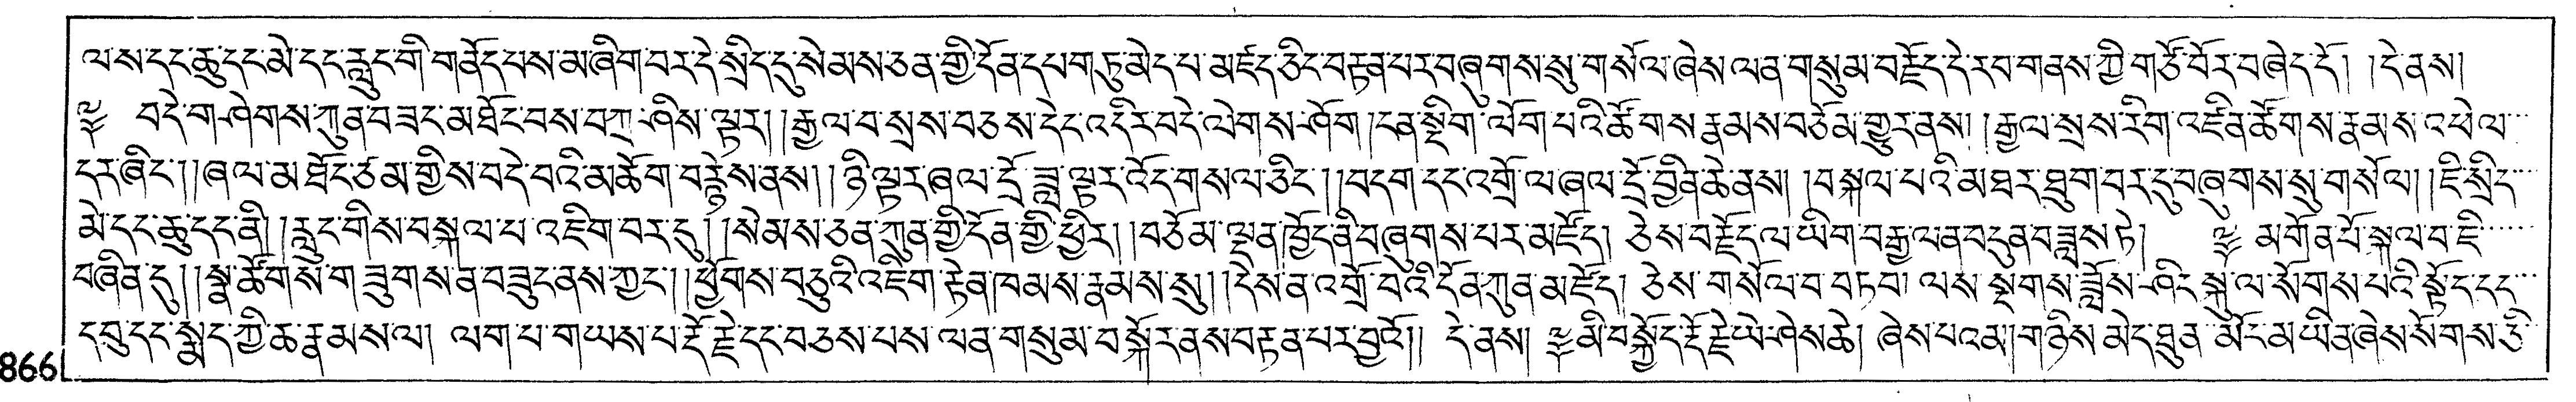ལ་ས་དང་ཆུ་དང་མེ་དང་རླུང་གི་གནོད་པས་མ་ཞིག་བར་དེ་སྲིད་དུ་སེམས་ཅན་གྱི་དོན་དཔག་ཏུ་མེད་པ་མཛད་ཅིང་བརྟན་པར་བཞུགས་སུ་གསོལ་ཞེས་ལན་གསུམ་བརྗོད་དེ་རབ་གནས་ཀྱི་གཙོ་བོར་བཞེད་དོ། །དེ་ནས།
༈ བདེ་གཤེགས་ཀུན་བཟང་མཐོང་བས་བཀྲ་ཤིས་ལྟར། །རྒྱལ་བ་སྲས་བཅས་དེང་འདིར་བདེ་ལེགས་ཤོག །ངན་སྡིག་ལོག་པའི་ཚོགས་རྣམས་བཅོམ་གྱུར་ནས། །རྒྱལ་སྲས་རིག་འཛིན་ཚོགས་རྣམས་འཕེལ་
དར་ཞིང་། །ཞལ་མཐོང་ཙམ་གྱིས་བདེ་བའི་མཆོག་བརྙེས་ནས། །ཉི་ལྟར་ཞལ་དྲོ་ཟླ་ལྟར་འོད་གསལ་ཅིང་། །བདག་དང་འགྲོ་ལ་ཞལ་དྲོ་བྱིན་ཆེ་ནས། །བསྐལ་པའི་མཐར་ཐུག་པར་དུ་བཞུགས་སུ་གསོལ། །ཇི་སྲིད་
མེ་དང་ཆུ་དང་ནི། །རླུང་གིས་བསྐལ་པ་འཇིག་བར་དུ། །སེམས་ཅན་ཀུན་གྱི་དོན་གྱི་ཕྱིར། །བཅོམ་ལྡན་ཁྱོད་ནི་བཞུགས་པར་མཛོད། ཅེས་བརྗོད་ལ་ཡིག་བརྒྱ་ལན་བདུན་བཟླས་ཏེ། ༈ མགོན་པོ་སྐལ་བ་ཇི་
བཞིན་དུ། །སྣ་ཚོགས་གཟུགས་ན་བཟུང་ནས་ཀྱང་། །ཕྱོགས་བཅུའི་འཇིག་རྟེན་ཁམས་རྣམས་སུ། །དེས་ན་འགྲོ་བའི་དོན་ཀུན་མཛོད། ཅེས་གསོལ་བ་བཏབ། ལས་སྔགས་ཟློས་ཤིང་སྐུ་ལ་སོགས་པའི་སྟོད་དང་
དབུ་དང་སྨད་ཀྱི་ཆ་རྣམས་ལ། ལག་པ་གཡས་པ་རྡོ་རྗེ་དང་བཅས་པས་ལན་གསུམ་བསྐོར་ནས་བརྟན་པར་བྱའོ། །དེ་ནས། ༈ མི་བསྐྱོད་རྡོ་རྗེ་ཡེ་ཤེས་ཆེ། ཞེས་པའམ། གཉིས་མེད་ཐུན་མོང་མ་ཡིན་ཞེས་སོགས་ཅི་